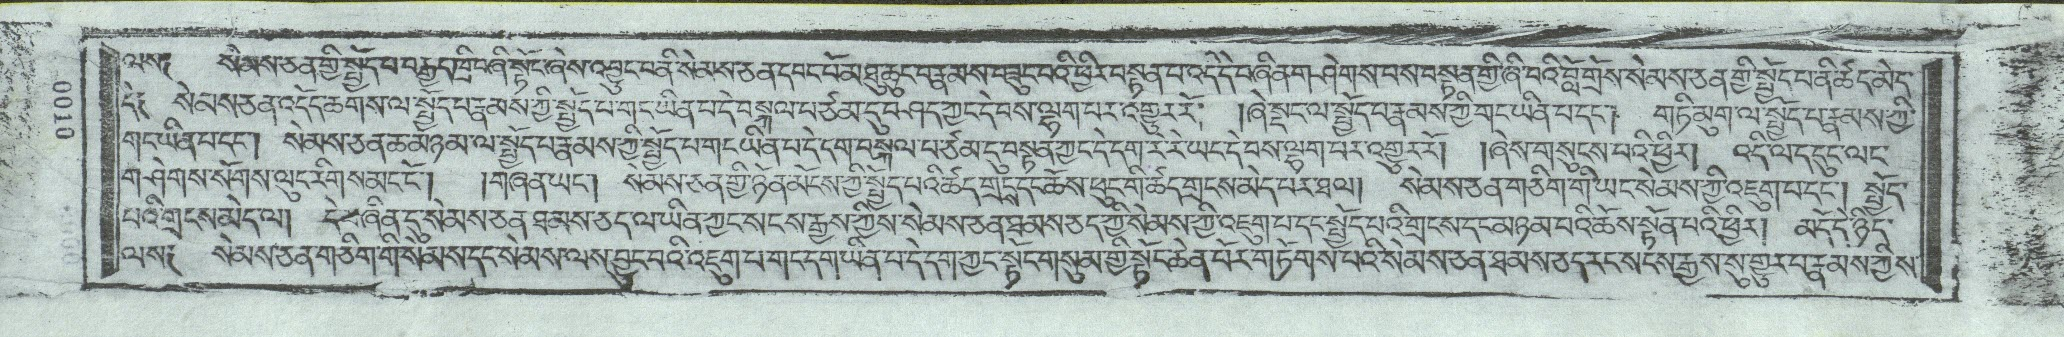ལས༑ སེམས་ཅན་གྱི་སྤྱོད་པ་བརྒྱད་ཁྲི་བཞི་སྟོང་ཞེས་འབྱུང་བ་ནི་སེམས་ཅན་དབང་པོ་མཐུ་ཆུང་བ་རྣམས་བཟུང་བའི་ཕྱིར་བསྟན་པ་འདི་དེ་བཞིན་གཤེགས་བས་བསྟན་གྱི་ཞི་བའི་བློ་གྲོས་སེམས་ཅན་གྱི་སྤྱོད་པ་ནི་ཚད་མེད་
དེ༑ སེམས་ཅན་འདོད་ཆགས་ལ་སྤྱོད་པ་རྣམས་ཀྱི་སྤྱོད་པ་གང་ཡིན་པ་དེ་བསྐལ་པ་ཙམ་དུ་བཤད་ཀྱང་དེ་བས་ལྷག་པར་འགྱུར་རོ། །ཞེ་སྡང་ལ་སྤྱོད་པ་རྣམས་ཀྱི་གང་ཡིན་པ་དང་། གཏི་མུག་ལ་སྤྱོད་པ་རྣམས་ཀྱི་
གང་ཡིན་པ་དང་། སེམས་ཅན་ཆ་མཉམ་ལ་སྤྱོད་པ་རྣམས་ཀྱི་སྤྱོད་པ་གང་ཡིན་པ་དེ་དག་བསྐལ་པ་ཙམ་དུ་བསྟན་ཀྱང་དེ་དག་རེ་རེ་ཡང་དེ་བས་ལྷག་པར་འགྱུར་རོ། །ཞེས་གསུངས་པའི་ཕྱིར། འདི་ལ་ད་དུང་ལང་
གཤེགས་སོགས་ལུང་རིགས་མང་ངོ། །གཞན་ཡང་། སེམས་ཅན་གྱི་ཉོན་མོངས་ཀྱི་སྤྱོད་པའི་ཚད་གྲངས་དང་ཆོས་ཕུང་གི་ཚད་གྲངས་མེད་པར་ཐལ། སེམས་ཅན་གཅིག་གི་ཡང་སེམས་ཀྱི་འཇུག་པ་དང་། སྤྱོད་
པའི་གྲངས་མེད་ལ། དེ་བཞིན་དུ་སེམས་ཅན་ཐམས་ཅད་ལ་ཡིན་ཀྱང་སངས་རྒྱས་ཀྱིས་སེམས་ཅན་ཐམས་ཅད་ཀྱི་སེམས་ཀྱི་འཇུག་པ་དང་སྤྱོད་པའི་གྲངས་དང་མཉམ་པའི་ཆོས་སྟོན་པའི་ཕྱིར། མདོ་དེ་ཉིད་
ལས༑ སེམས་ཅན་གཅིག་གི་སེམས་དང་སེམས་ལས་བྱུང་བའི་འཇུག་པ་གང་དག་ཡིན་པ་དེ་དག་ཀྱང་སྟོང་གསུམ་གྱི་སྟོང་ཆེན་པོར་གཏོགས་པའི་སེམས་ཅན་ཐམས་ཅད་རང་སངས་རྒྱས་སུ་གྱུར་པ་རྣམས་ཀྱིས་